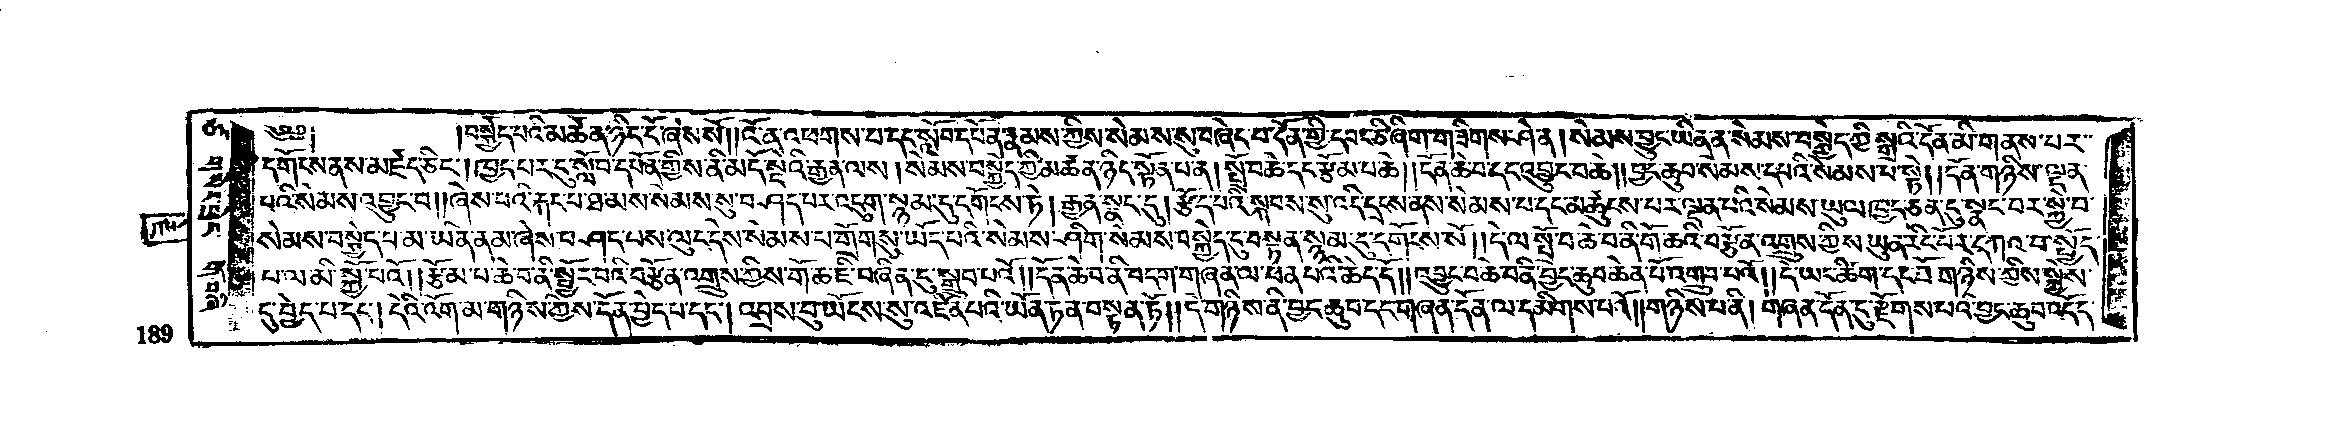༄༅། །བསྐྱེད་པའི་མཚན་ཉིད་དོ་ཞེས་སོ། །འོ་ན་འཕགས་པ་དང་སློབ་དཔོན་རྣམས་ཀྱིས་སེམས་སུ་བཞེད་པ་དོན་གྱི་དབང་ཅི་ཞིག་གཟིགས་ཤེ་ན། སེམས་བྱུང་ཡིན་ན་སེམས་བསྐྱེད་ཀྱི་སྒྲའི་དོན་མི་གནས་པར་
དགོངས་ནས་མཛད་ཅིང་། ཁྱད་པར་དུ་སློབ་དཔོན་གྱིས་ནི་མདོ་སྡེའི་རྒྱན་ལས། སེམས་བསྐྱེད་ཀྱི་མཚན་ཉིད་སྟོན་པ་ན། སྤྲོ་བ་ཆེ་དང་རྩོམ་པ་ཆེ། །དོན་ཆེ་བ་དང་འབྱུང་བ་ཆེ། །བྱང་ཆུབ་སེམས་དཔའི་སེམས་པ་སྟེ། །དོན་གཉིས་ལྡན་
པའི་སེམས་འབྱུང་པ། །ཞེས་པའི་རྐང་པ་ཐ་མས་སེམས་སུ་བཤད་པར་འདུག་སྙམ་དུ་དགོངས་ཏེ། རྒྱན་སྣང་དུ། རྩོད་པའི་སྐབས་སུ་འདི་དྲངས་ནས་སེམས་པ་དང་མཚུངས་པར་ལྡན་པའི་སེམས་ཡུལ་ཁྱད་ཅན་དུ་སྣང་བར་སྐྱེ་བ་
སེམས་བསྐྱེད་པ་མ་ཡིན་ནམ་ཞེས་བཤད་པས་ལུང་དེས་སེམས་པ་གྲོགས་སུ་ཡོད་པའི་སེམས་ཤིག་སེམས་བསྐྱེད་དུ་བསྟན་སྙམ་དུ་དགོངས་སོ། །དེ་ལ་སྤྲོ་བ་ཆེ་བ་ནི་གོ་ཆའི་བརྩོན་འགྲུས་ཀྱིས་ཡུན་རིང་པོར་དཀའ་བ་སྤྱོད་
པ་ལ་མི་སྐྱོ་པའོ། །རྩོམ་པ་ཆེ་བ་ནི་སྦྱོར་བའི་བརྩོན་འགྲུས་ཀྱིས་གོ་ཆ་ཇི་བཞིན་དུ་སྒྲུབ་པའོ། །དོན་ཆེ་བ་ནི་བདག་གཞན་ལ་ཕན་པའི་ཆེད་དོ། །འབྱུང་བ་ཆེ་བ་ནི་བྱང་ཆུབ་ཆེན་པོ་འགྲུབ་པའོ། །དེ་ཡང་ཚིག་དང་པོ་གཉིས་ཀྱིས་སྐྱེས་
དུ་བྱེད་པ་དང་། དེའི་འོག་མ་གཉིས་ཀྱིས་དོན་བྱེད་པ་དང་། འབྲས་བུ་ཡོངས་སུ་འཛིན་པའི་ཡོན་ཏན་བསྟན་ཏོ། །དེ་གཉིས་ནི་བྱང་ཆུབ་དང་གཞན་དོན་ལ་དམིགས་པའོ། །གཉིས་པ་ནི། གཞན་དོན་དུ་རྫོགས་པའི་བྱང་ཆུབ་འདོད་